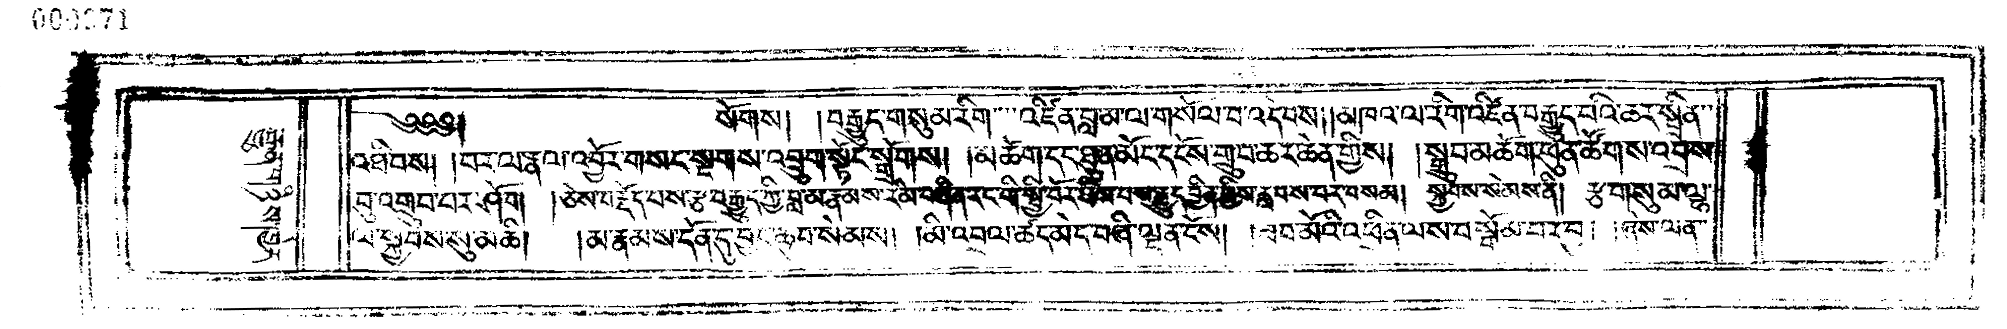༄༅༅། །སོགས། །བརྒྱུད་གསུམ་རིག་འཛིན་བླ་མ་ལ་གསོལ་བ་འདེབས། །མཁའ་ལ་རིག་འཛིན་བརྒྱུད་པའི་ཆར་སྤྲིན་
འཐིབས། །བར་ལ་རྣལ་འབྱོར་གསང་སྔགས་འབྲུག་སྟོང་སྒྲོགས། །མཆོག་དང་ཐུན་མོང་དངོས་གྲུབ་ཆར་ཆེན་གྱིས། །སྒྲུབ་མཆོག་ཕུན་ཚོགས་འབྲས་
བུ་འགྲུབ་པར་ཤོག ། ཅེས་བརྗོད་པས་རྩ་བརྒྱུད་ཀྱི་བླ་མ་རྣམས་རིམ་བཞིན་རང་གི་སྤྱི་བོར་ཐིམ་པས་རྒྱུད་བྱིན་གྱིས་རླབས་པར་བསམ། སྐྱབས་སེམས་ནི།  རྩ་གསུམ་ལྷ་
ལ་སྐྱབས་སུ་མཆི། །མ་རྣམས་དོན་དུ་བྱང་ཆུབ་སེམས། །མི་འབྲལ་ཚད་མེད་བཞི་ལྡན་ངོས། །ཟབ་མོའི་འཕྲིན་ལས་བསྒོམ་པར་བྱ། །ཞེས་ལན་